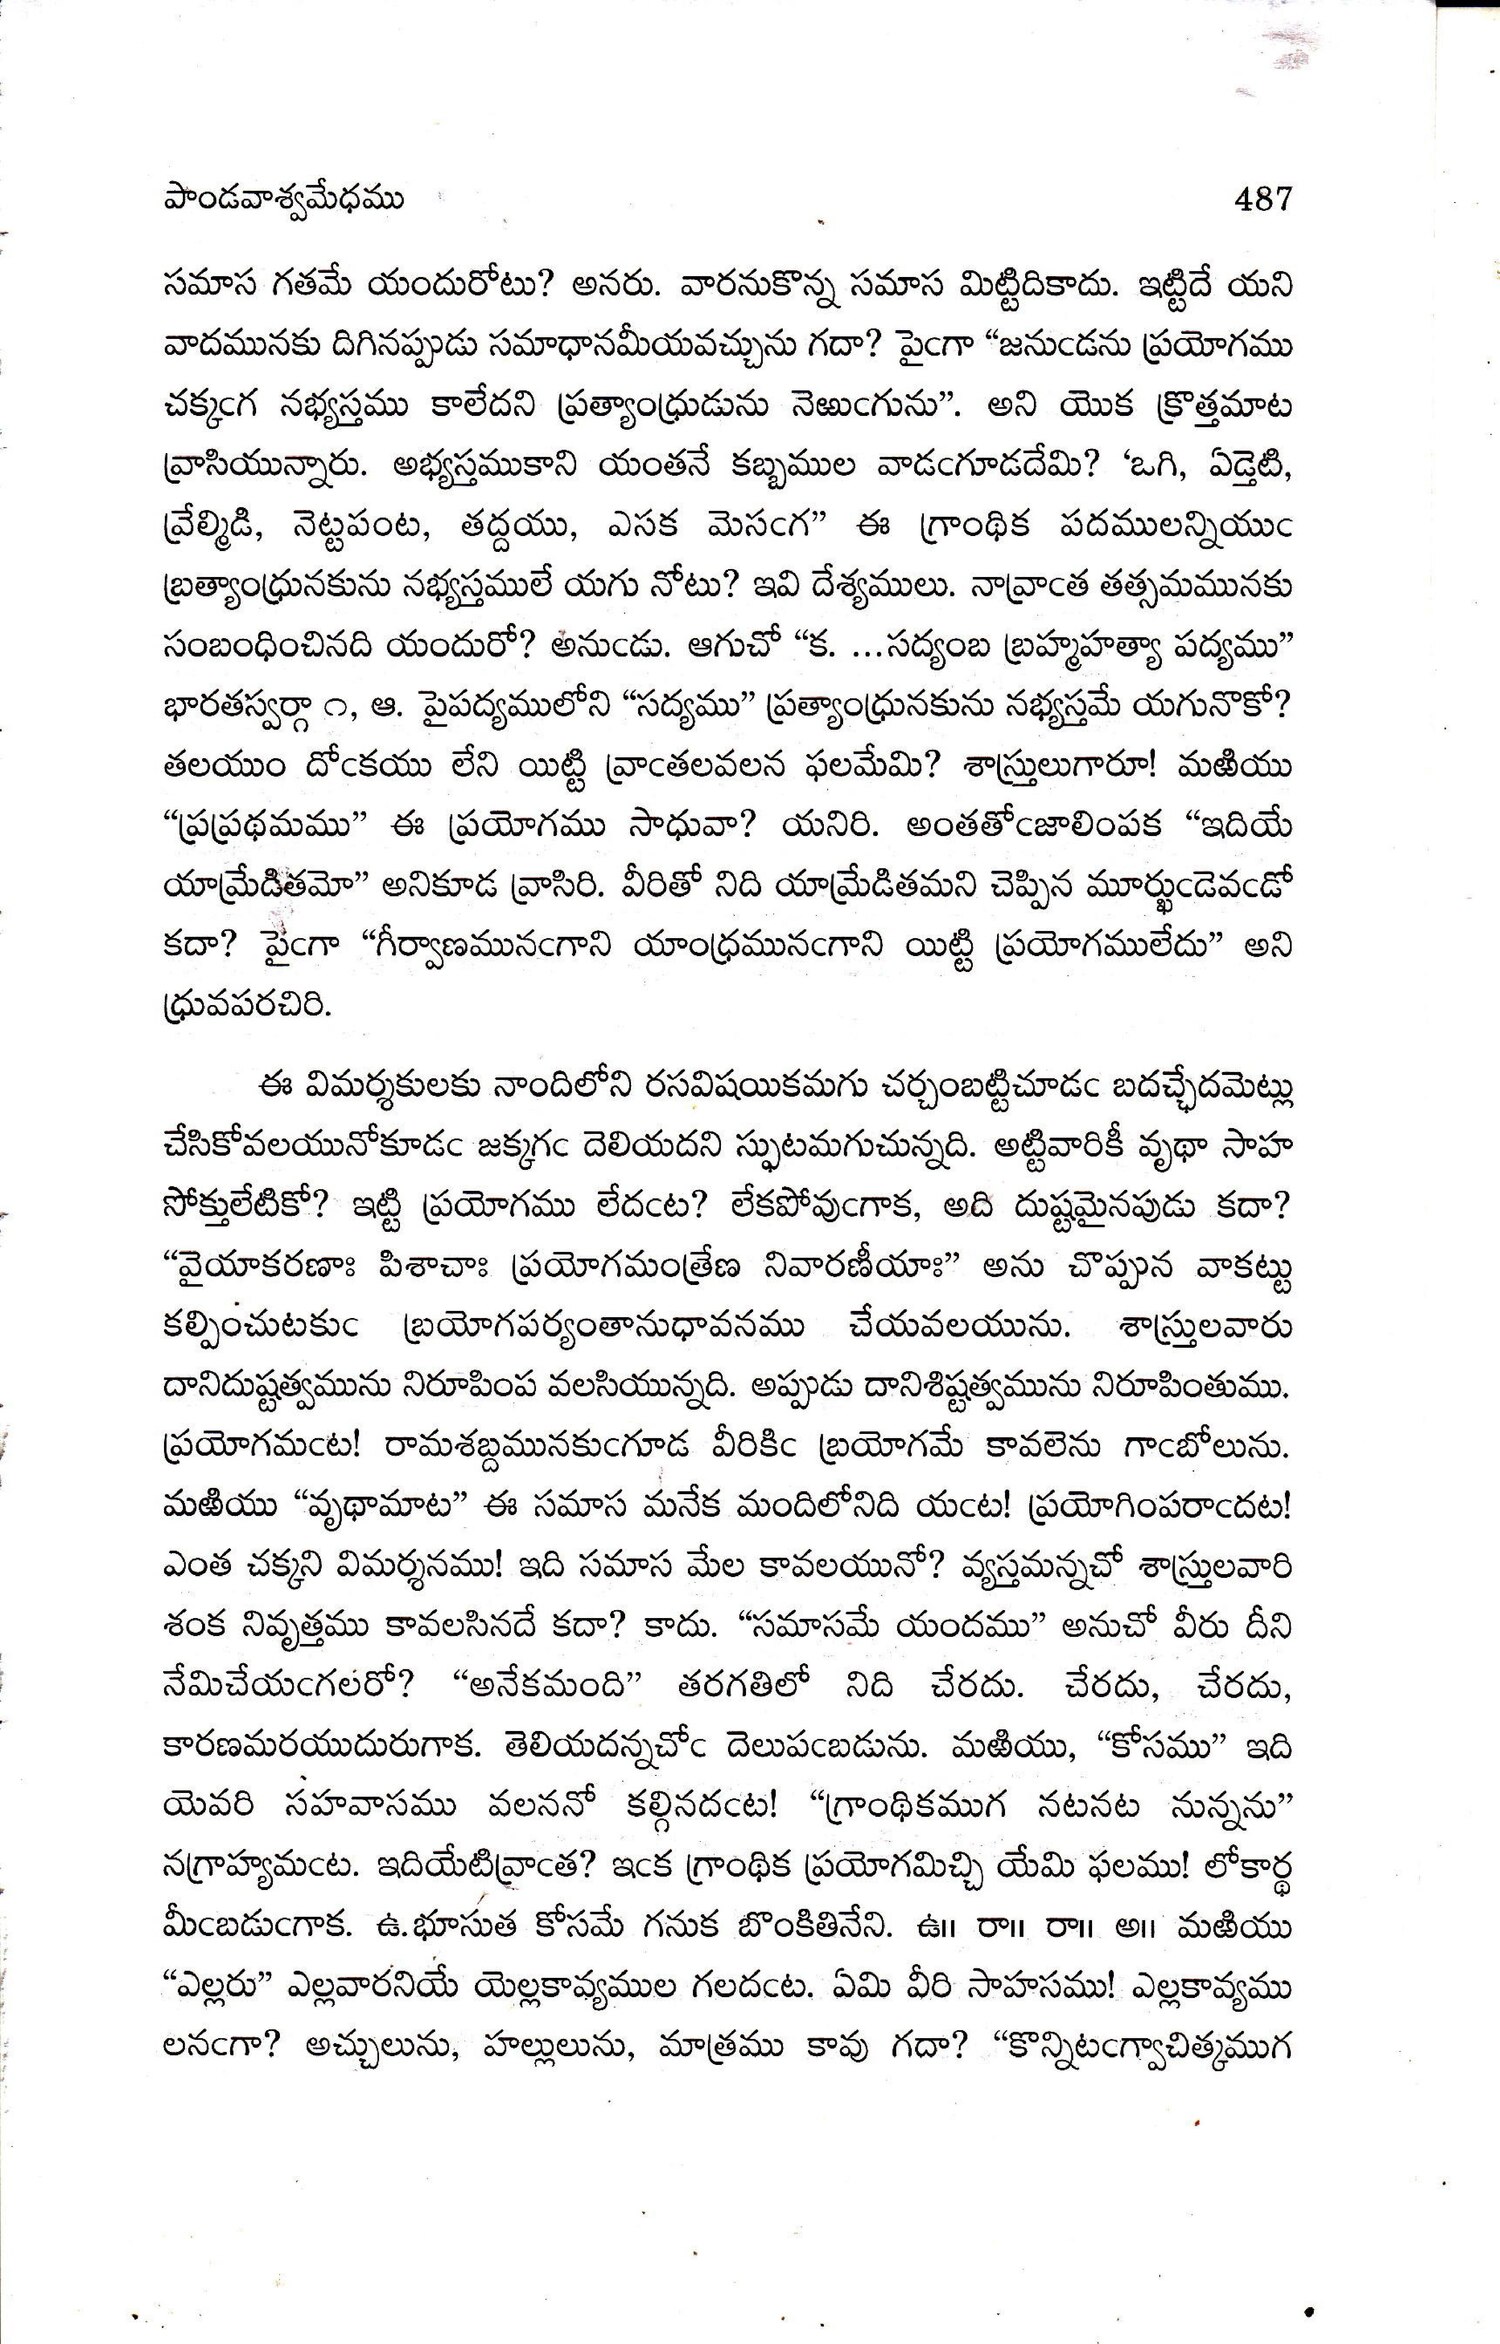సమాస గతమే యందురోటు? అనరు. వారనుకొన్న సమాస మిట్టిదికాదు. ఇట్టిదే యని వాదమునకు దిగినప్పుడు సమాధానమీయవచ్చును గదా? పైఁగా “జనుఁడను ప్రయోగము చక్కఁగ నభ్యస్తము కాలేదని ప్రత్యాంధ్రుడును నెఱుఁగును". అని యొక క్రొత్తమాట వ్రాసియున్నారు. అభ్యస్తముకాని యంతనే కబ్బముల వాడఁగూడదేమి? 'ఒగి, ఏడైటి, వ్రేల్మిడి, నెట్టపంట, తద్దయు, ఎసక మెసఁగ" ఈ గ్రాంథిక పదములన్నియుఁ బ్రత్యాంధ్రునకును నభ్యస్తములే యగు నోటు? ఇవి దేశ్యములు. నా వ్రాఁత తత్సమమునకు సంబంధించినది యందురో? అనుఁడు. ఆగుచో "క ...సద్యంబ బ్రహ్మహత్యా పద్యము" భారతస్వర్గా 1, ఆ పైపద్యములోని "సద్యము" ప్రత్యాంధ్రునకును నభ్యస్తమే యగునొకో? తలయుం దోఁకయు లేని యిట్టి వ్రాఁతలవలన ఫలమేమి? శాస్త్రులుగారూ! మఱియు “ప్రప్రథమము” ఈ ప్రయోగము సాధువా? యనిరి. అంతతోఁజాలింపక “ఇదియే యామ్రేడితమో" అనికూడ వ్రాసిరి. వీరితో నిది యామ్రేడితమని చెప్పిన మూర్జుఁడెవఁడో కదా? పైఁగా “గీర్వాణమునఁగాని యాంధ్రమునఁగాని యిట్టి ప్రయోగములేదు” అని ధ్రువపరచిరి.

ఈ విమర్శకులకు నాందిలోని రసవిషయికమగు చర్చంబట్టిచూడఁ బదచ్ఛేదమెట్లు చేసికోవలయునోకూడఁ జక్కగఁ దెలియదని స్ఫుటమగుచున్నది. అట్టివారికీ వృథా సాహసోక్తులేటికో? ఇట్టి ప్రయోగము లేదఁట? లేకపోవుcగాక, అది దుష్టమైనపుడు కదా? “వైయాకరణాః పిశాచాః ప్రయోగమంత్రేణ నివారణీయాః" అను చొప్పున వాకట్టు కల్పించుటకుఁ బ్రయోగపర్యంతానుధావనము చేయవలయును. శాస్త్రులవారు దానిదుష్టత్వమును నిరూపింప వలసియున్నది. అప్పుడు దానిశిష్టత్వమును నిరూపింతుము. ప్రయోగమఁట! రామశబ్దమునకుఁగూడ వీరికిఁ బ్రయోగమే కావలెను గాఁబోలును. మఱియు “వృథామాట” ఈ సమాస మనేక మందిలోనిది యఁట! ప్రయోగింపరాcదట! ఎంత చక్కని విమర్శనము! ఇది సమాస మేల కావలయునో? వ్యస్తమన్నచో శాస్త్రులవారి శంక నివృత్తము కావలసినదే కదా? కాదు. "సమాసమే యందము" అనుచో వీరు దీని నేమిచేయఁగలరో? “అనేకమంది” తరగతిలో నిది చేరదు. చేరదు, చేరదు, కారణమరయుదురుగాక. తెలియదన్నచోఁ దెలుపcబడును. మఱియు, "కోసము" ఇది యెవరి సహవాసము వలననో కల్గినదఁట! "గ్రాంథికముగ నటనట నున్నను" నగ్రాహ్యమఁట. ఇదియేటివ్రాఁత? ఇఁక గ్రాంథిక ప్రయోగమిచ్చి యేమి ఫలము! లోకార్థ మీఁబడుఁగాక. ఉ.భూసుత కోసమే గనుక బొంకితినేని. ఉ|| రా|| రా|| అ|| మఱియు "ఎల్లరు" ఎల్లవారనియే యెల్లకావ్యముల గలదఁట. ఏమి వీరి సాహసము! ఎల్లకావ్యము లనఁగా? అచ్చులును, హల్లులును, మాత్రము కావు గదా? “కొన్నిటఁగ్వాచిత్కముగ